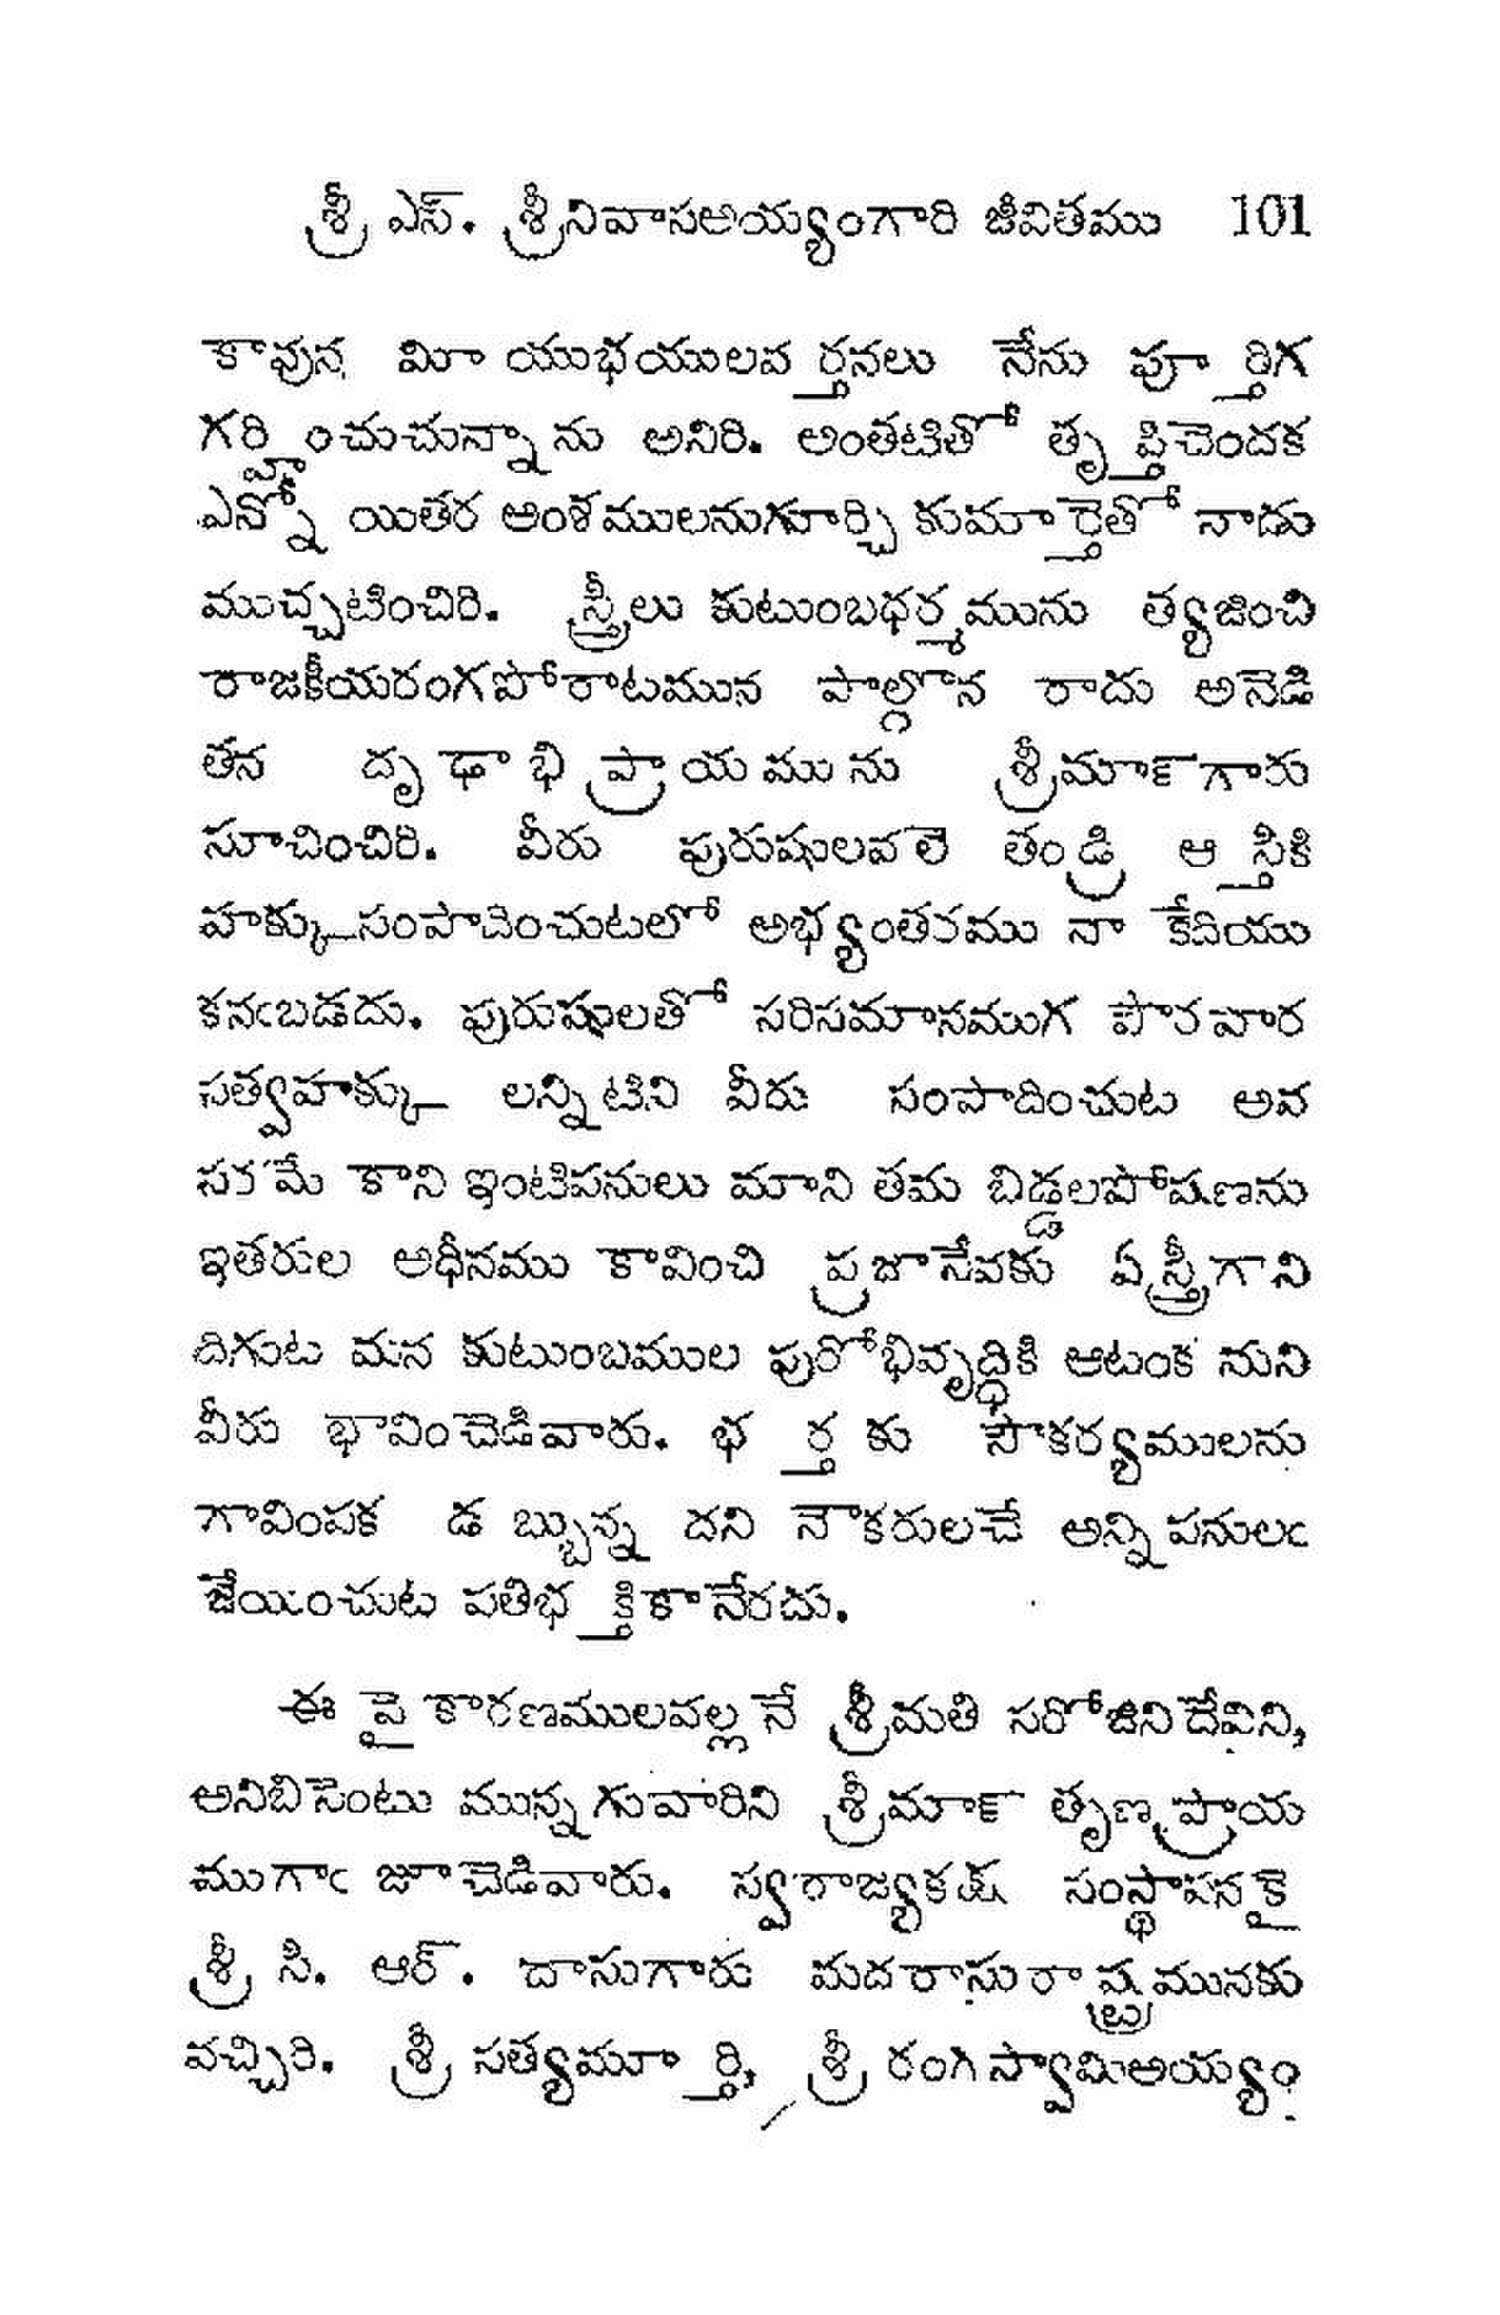కావున మీ యుభయులవర్తనలు నేను పూర్తిగ గర్హించుచున్నాను అనిరి. అంతటితో తృప్తిచెందక ఎన్నో యితర అంశములనుగూర్చి కుమార్తెతో నాడు ముచ్చటించిరి. స్త్రీలు కుటుంబధర్మమును త్యజించి రాజకీయరంగపోరాటమున పాల్గొన రాదు అనెడి తన దృఢాభిప్రాయమును శ్రీమా౯గారు సూచించిరి. వీరు పురుషులవలె తండ్రి, ఆస్తికి హక్కుసంపాదించుటలో అభ్యంతరము నా కేదియు కనఁబడదు. పురుషులతో సరిసమానముగ పౌరవారసత్వహక్కు లన్నిటిని వీరు సంపాదించుట అవసరమే కాని ఇంటిపనులు మాని తమ బిడ్డలపోషణను ఇతరుల అధీనము కావించి ప్రజాసేవకు ఏస్త్రీగాని దిగుట మన కుటుంబముల పురోభివృద్ధికి ఆటంక మని వీరు భావించెడివారు. భర్తకు సౌకర్యములను గావింపక డ బ్బున్న దని నౌకరులచే అన్నిపనులఁ జేయించుట పతిభక్తికానేరదు.

ఈ పై కారణములవల్లనే శ్రీమతి సరోజినిదేవిని, అనిబిసెంటు మున్నగువారిని శ్రీమా౯ తృణప్రాయముగాఁ జూచెడివారు. స్వరాజ్యకక్ష సంస్థాపనకై శ్రీ సి. ఆర్. దాసుగారు మదరాసురాష్ట్రమునకు వచ్చిరి. శ్రీ సత్యమూర్తి, శ్రీ రంగస్వామి అయ్యం